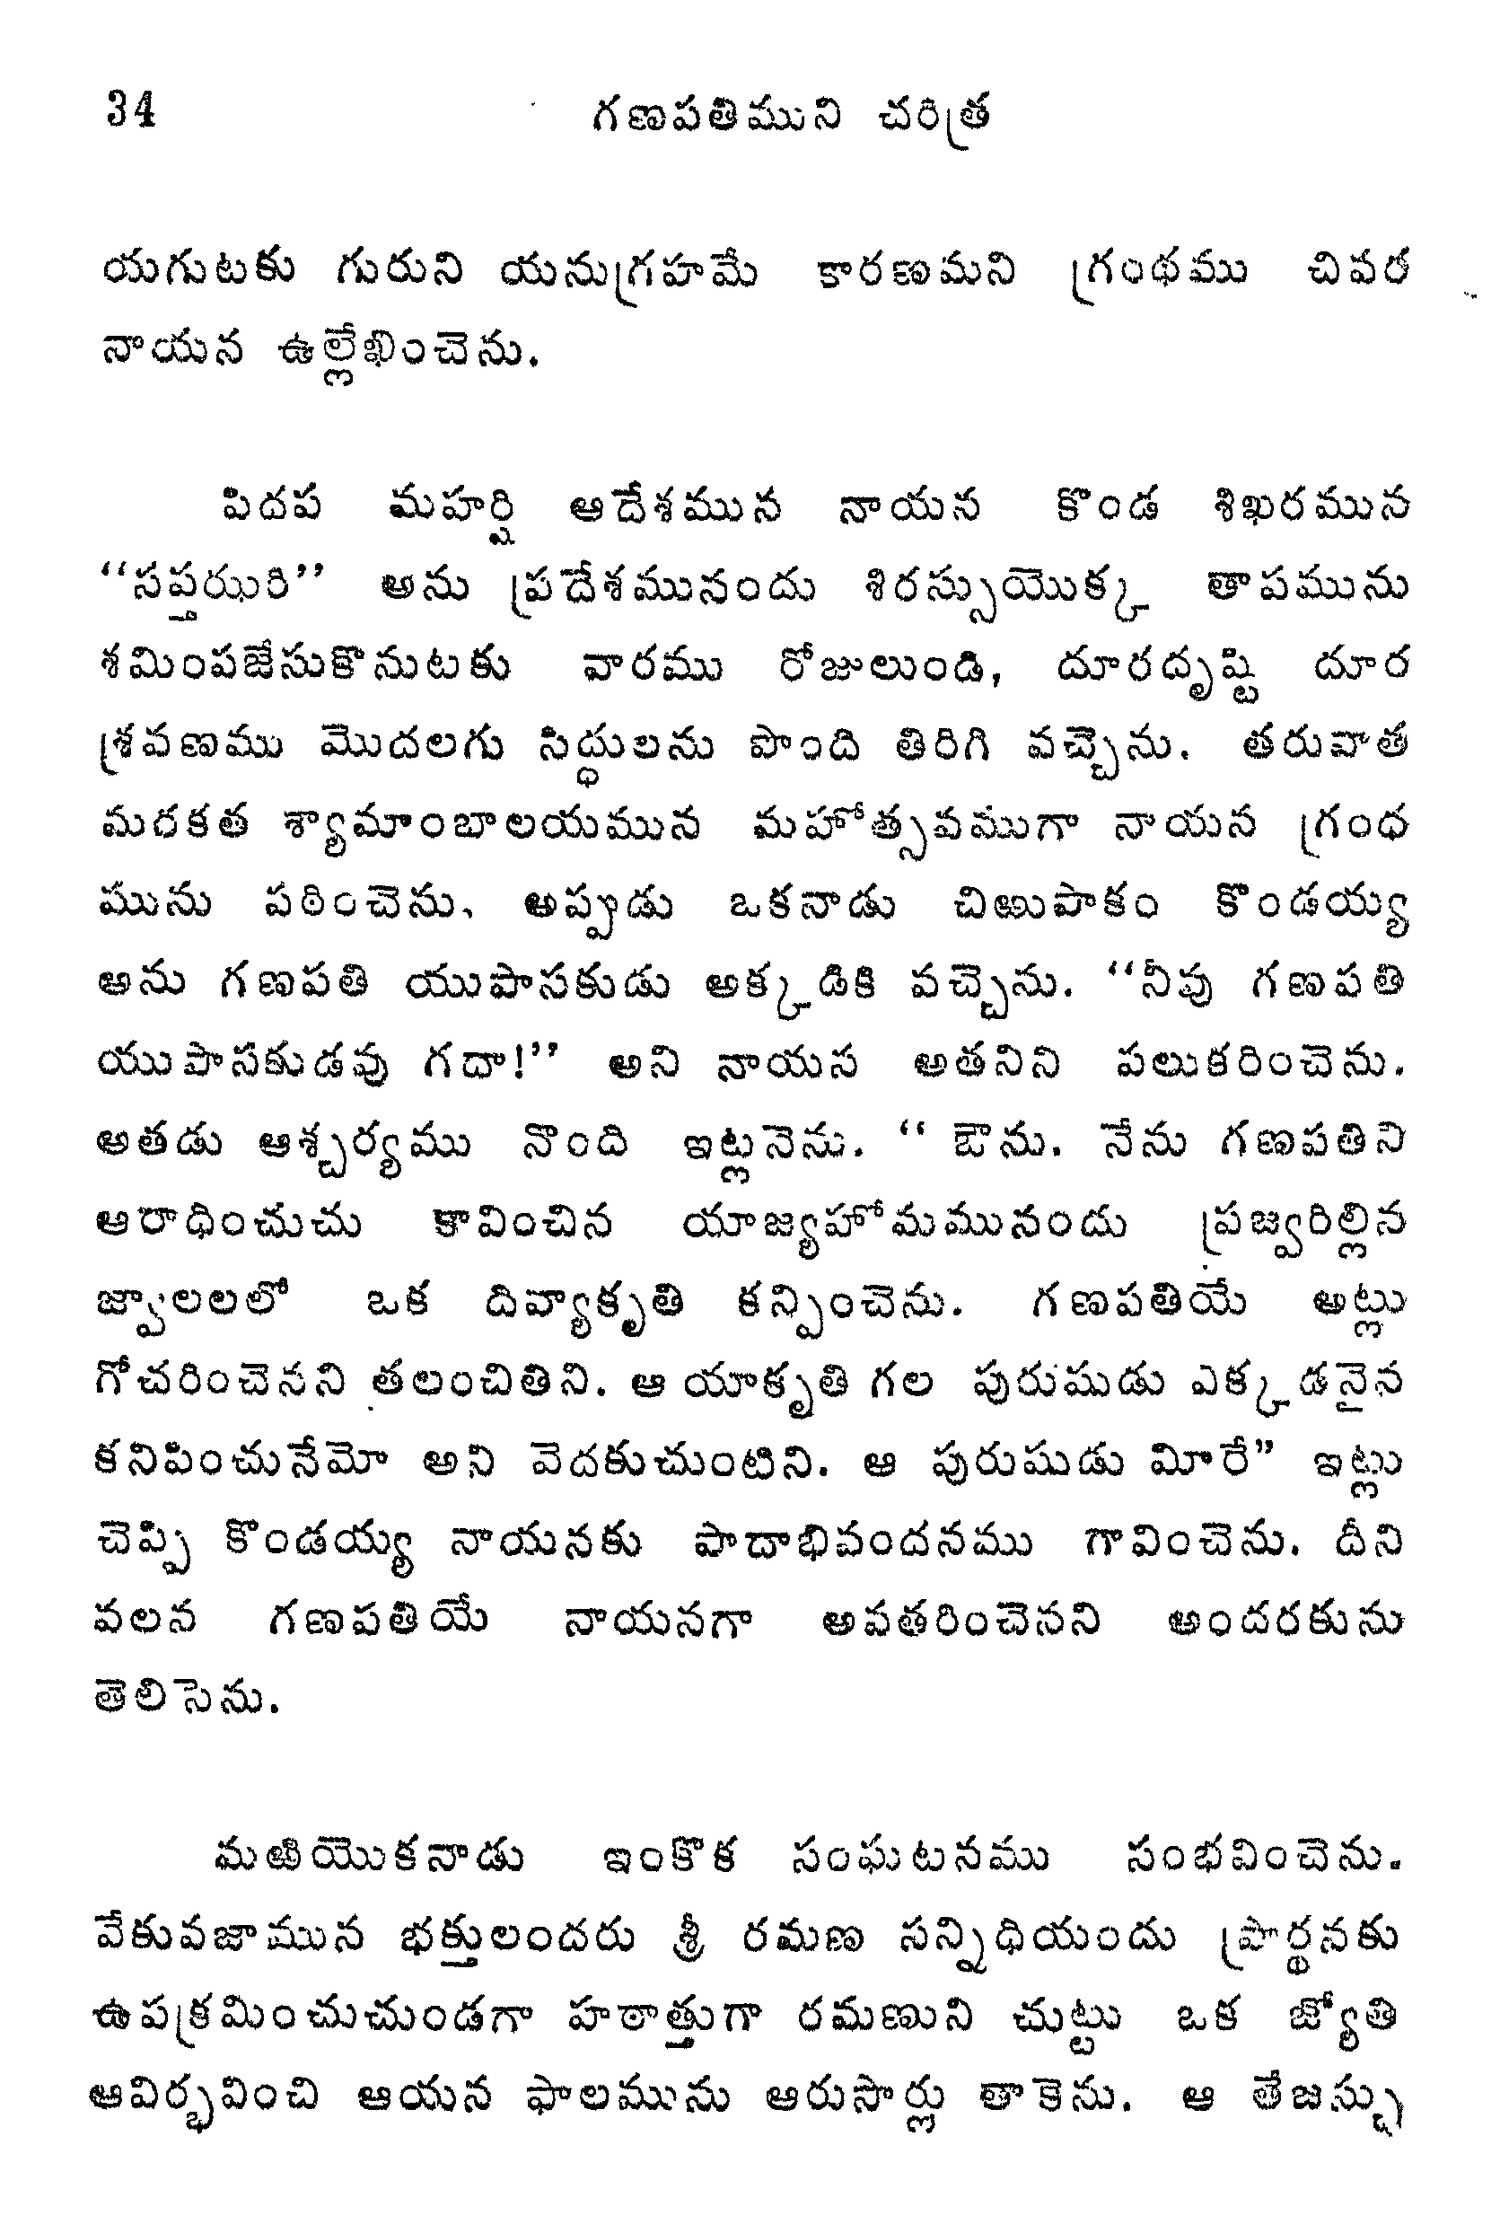యగుటకు గురుని యనుగ్రహమే కారణమని గ్రంథము చివర నాయన ఉల్లేఖించెను.

పిదప మహర్షి ఆదేశమున నాయన కొండ శిఖరమున "సప్తఝరి" అను ప్రదేశమునందు శిరస్సుయొక్క తాపమును శమింపజేసుకొనుటకు వారము రోజులుండి, దూరదృష్టి దూర శ్రవణము మొదలగు సిద్ధులను పొంది తిరిగి వచ్చెను. తరువాత మరకత శ్యామాంబాలయమున మహోత్సవముగా నాయన గ్రంథమును పఠించెను. అప్పుడు ఒకనాడు చిఱుపాకం కొండయ్య అను గణపతి యుపాసకుడు అక్కడికి వచ్చెను. "నీవు గణపతి యుపాసకుడవు గదా!' అని నాయన అతనిని పలుకరించెను. అతడు ఆశ్చర్యము నొంది ఇట్లనెను. "ఔను. నేను గణపతిని ఆరాధించుచు కావించిన యాజ్యహోమమునందు ప్రజ్వరిల్లిన జ్వాలలలో ఒక దివ్యాకృతి కన్పించెను. గణపతియే అట్లు గోచరించెనని తలంచితిని. ఆ యాకృతి గల పురుషుడు ఎక్కడనైన కనిపించునేమో అని వెదకుచుంటిని. ఆ పురుషుడు మీరే" ఇట్లు చెప్పి కొండయ్య నాయనకు పాదాభివందనము గావించెను. దీని వలన గణపతియే నాయనగా అవతరించెనని అందరకును తెలిసెను.

మఱియొకనాడు ఇంకొక సంఘటనము సంభవించెను. వేకువజామున భక్తులందరు శ్రీ రమణ సన్నిధియందు ప్రార్థనకు ఉపక్రమించుచుండగా హఠాత్తుగా రమణుని చుట్టు ఒక జ్యోతి ఆవిర్భవించి ఆయన ఫాలమును ఆరుసార్లు తాకెను. ఆ తేజస్సు